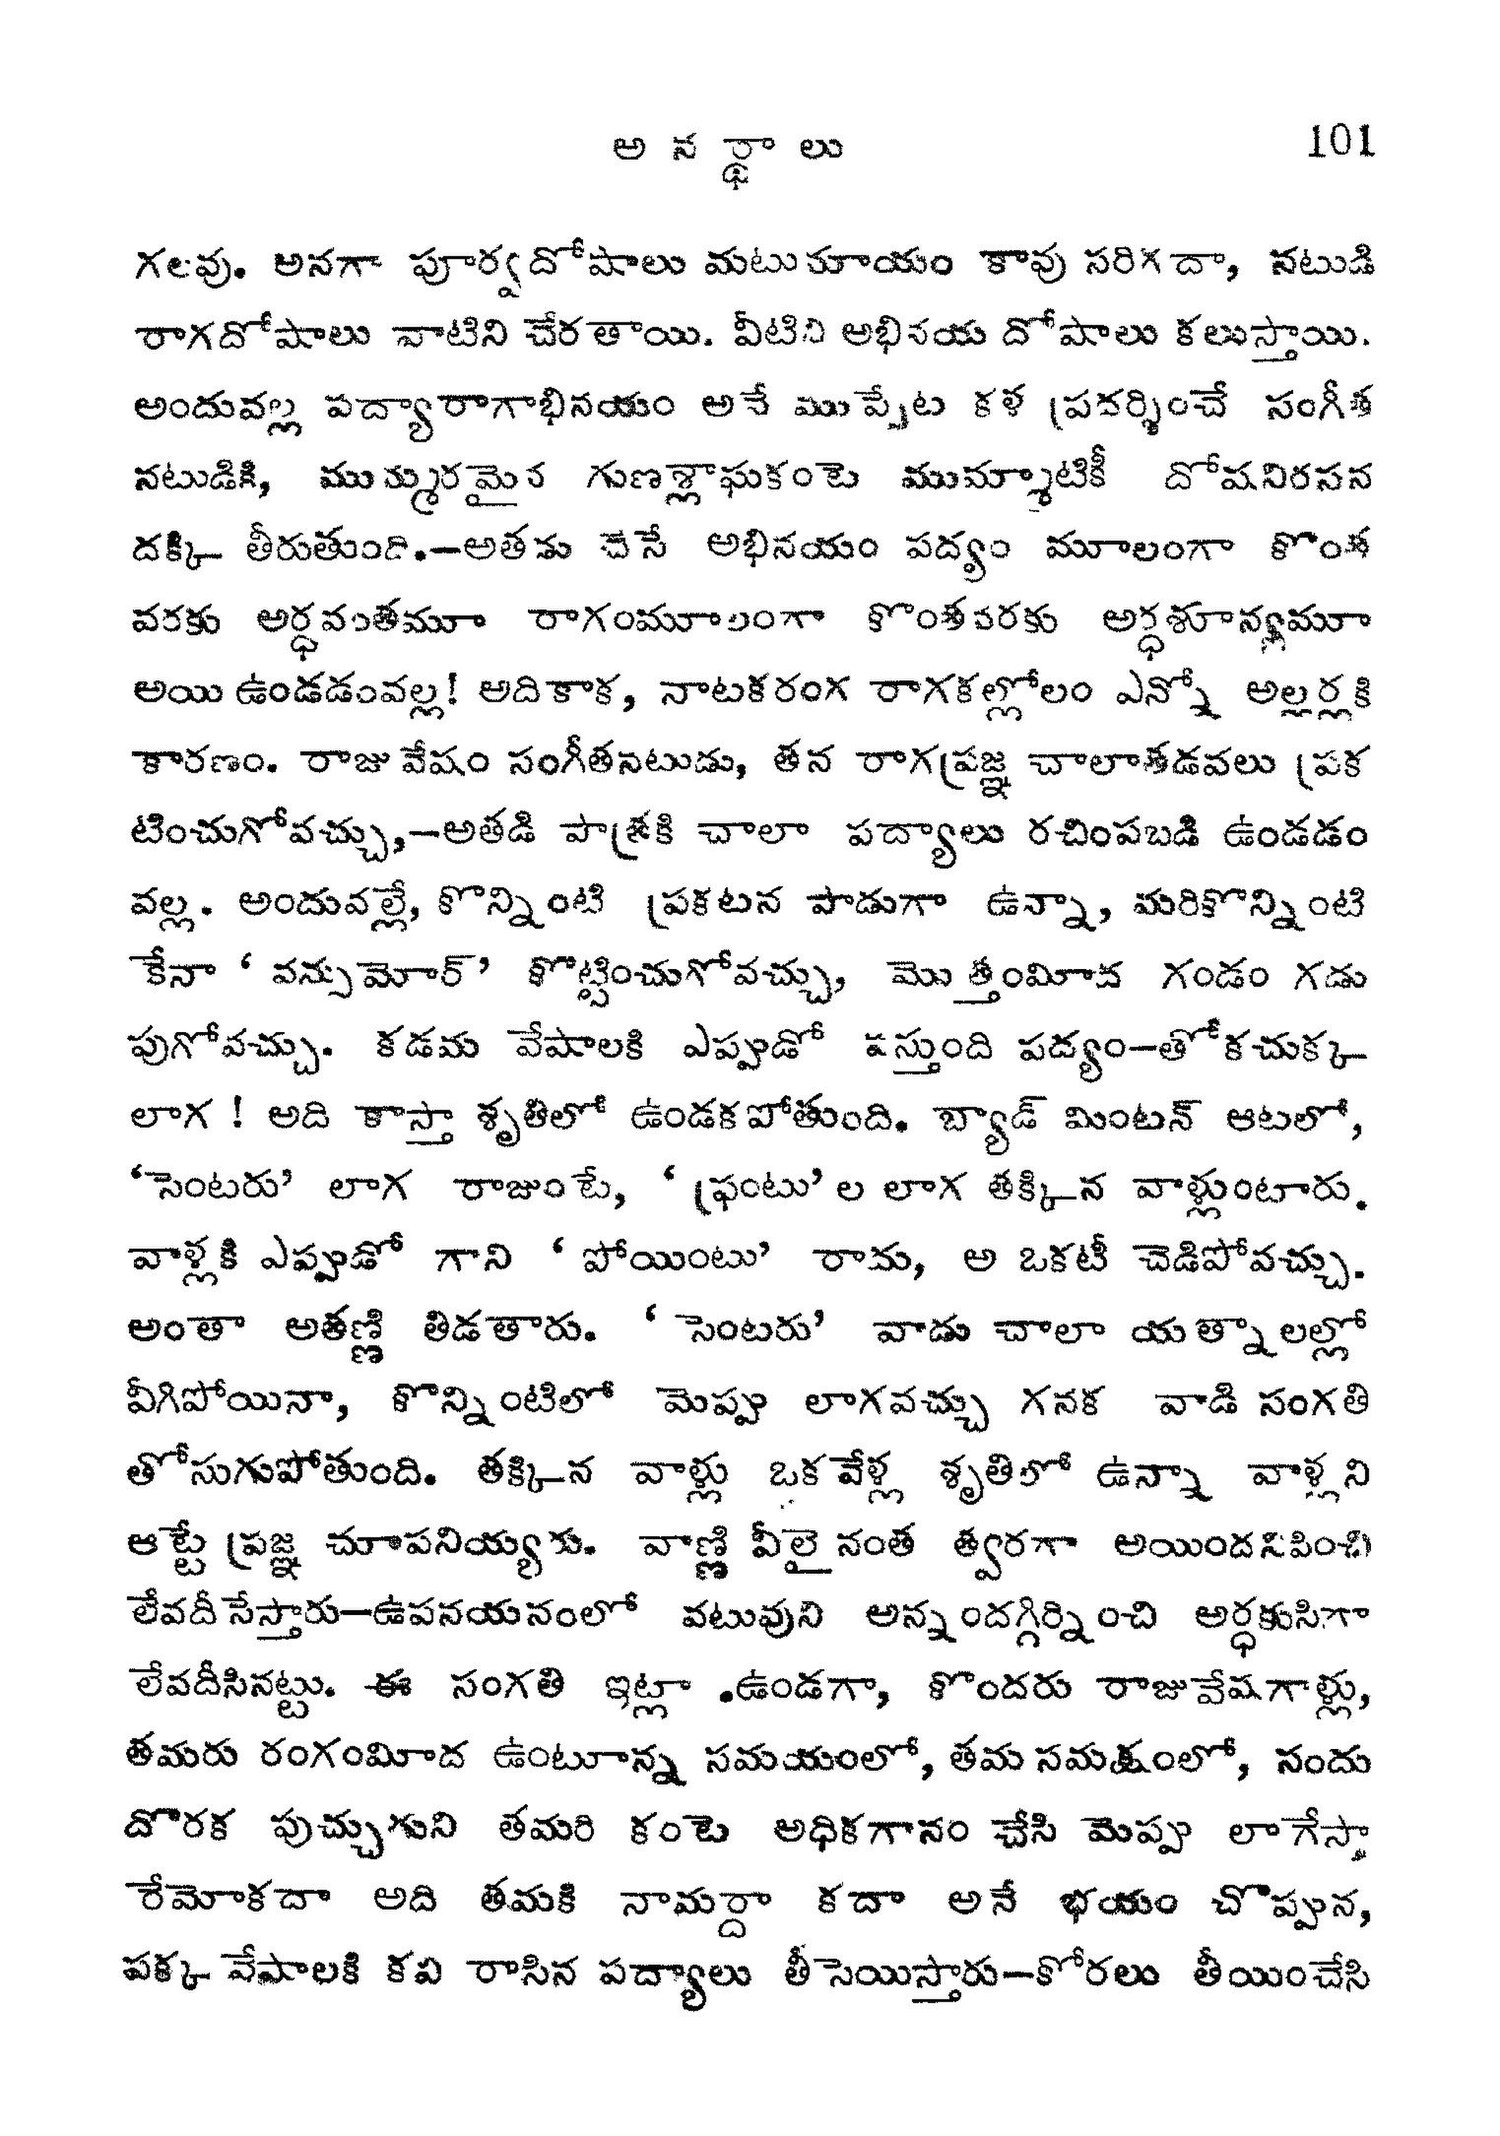గలవు. అనగా పూర్వదోషాలు మటుమాయం కావు సరిగదా, నటుడి
రాగదోషాలు వాటిని చేరతాయి. వీటిని అభినయ దోషాలు కలుస్తాయి.
అందువల్ల పద్యారాగాభినయం అనే ముప్పేట కళ ప్రదర్శించే సంగీత
నటుడికి, ముమ్మరమైన గుణశ్లాఘకంటె ముమ్మాటికీ దోషనిరసన
దక్కి తీరుతుంది. అతడు చేసే అభినయం పద్యం మూలంగా కొంత
వరకు అర్ధవంతమూ రాగంమూలంగా కొంతవరకు అర్ధశూన్యమూ
అయి ఉండడంవల్ల! అదికాక, నాటకరంగ రాగకల్లోలం ఎన్నో అల్లర్లకి
కారణం. రాజువేషం సంగీతనటుడు, తన రాగప్రజ్ఞ చాలాతడవలు ప్రక
టించుగోవచ్చు,—అతడి పాత్రకి చాలా పద్యాలు రచింపబడి ఉండడం
వల్ల. అందువల్లే, కొన్నింటి ప్రకటన పాడుగా ఉన్నా, మరికొన్నింటి
కేనా 'వన్సుమోర్' కొట్టించుగోవచ్చు, మొత్తంమీద గండం గడు
పుగోవచ్చు. కడమ వేషాలకి ఎప్పుడో వస్తుంది పద్యం - తోకచుక్క
లాగ ! అది కాస్తా శృతిలో ఉండకపోతుంది. బ్యాడ్ మింటన్ ఆటలో,
'సెంటరు' లాగ రాజుంటే, ' ఫ్రంటు' ల లాగ తక్కిన వాళ్లుంటారు.
వాళ్లకి ఎప్పుడో గాని ' పోయింటు' రాదు, అ ఒకటీ చెడిపోవచ్చు.
అంతా అతణ్ణి తిడతారు. 'సెంటరు' వాడు చాలా యత్నాలల్లో
వీగిపోయినా, కొన్నింటిలో మెప్పు లాగవచ్చు గనక వాడి సంగతి
తోసుగుపోతుంది. తక్కిన వాళ్లు ఒక వేళ్ల శృతిలో ఉన్నా వాళ్లని
ఆట్టే ప్రజ్ఞ చూపనియ్యరు. వాణ్ణి వీలైనంత త్వరగా అయిందనిపించి
లేవదీసేస్తారు — ఉపనయనంలో వటువుని అన్నందగ్గర్నించి అర్ధకుసిగా
లేవదీసినట్టు. ఈ సంగతి ఇట్లా ఉండగా, కొందరు రాజువేషగాళ్లు,
తమరు రంగంమీద ఉంటూన్న సమయంలో, తమ సమక్షంలో, సందు
దొరక పుచ్చుగుని తమరి కంటె అధికగానం చేసి మెప్పు లాగేస్తా
రేమోకదా అది తమకి నామర్దా కదా అనే భయం చొప్పున,
పక్క వేషాలకి కవి రాసిన పద్యాలు తీసెయిస్తారు- కోరలు తీయించేసి